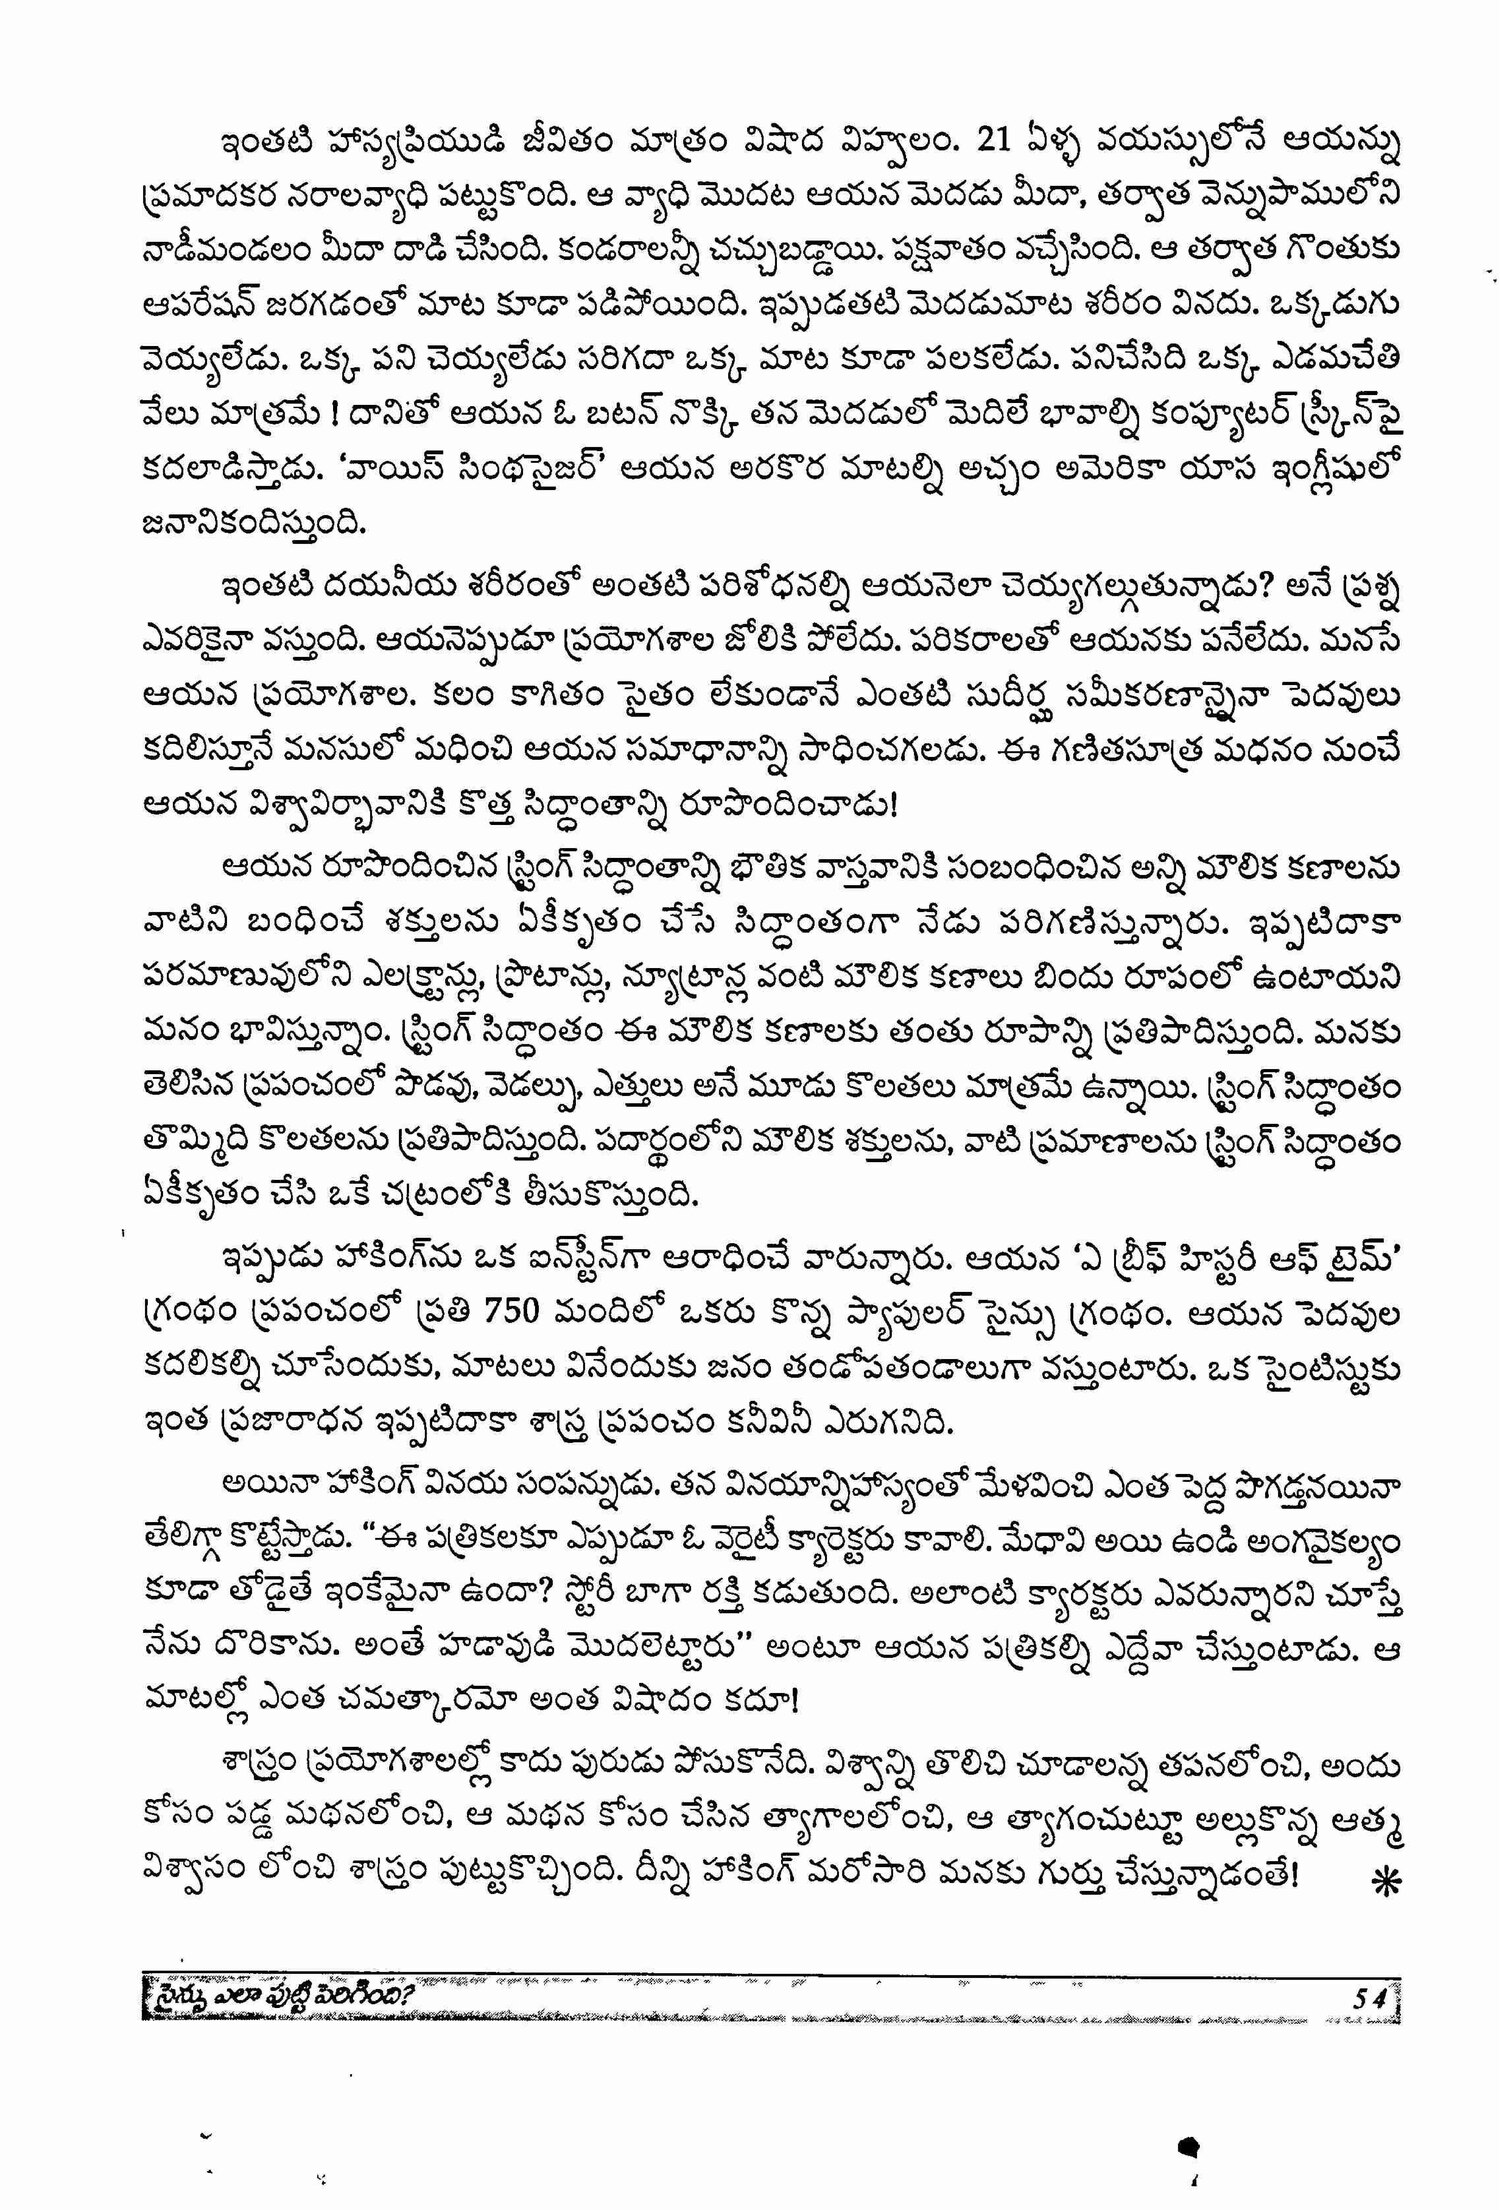ఇంతటి హాస్యప్రియుడి జీవితం మాత్రం విషాద విహ్వలం. 21 ఏళ్ళ వయస్సులోనే ఆయన్ను ప్రమాదకర నరాలవ్యాధి పట్టుకొంది. ఆ వ్యాధి మొదట ఆయన మెదడు మీదా, తర్వాత వెన్నుపాములోని నాడీమండలం మీదా దాడి చేసింది. కండరాలన్నీ చచ్చుబడ్డాయి. పక్షవాతం వచ్చేసింది. ఆ తర్వాత గొంతుకు ఆపరేషన్ జరగడంతో మాట కూడా పడిపోయింది. ఇప్పుడతటి మెదడుమాట శరీరం వినదు. ఒక్కడుగు వెయ్యలేడు. ఒక్క పని చెయ్యలేడు సరిగదా ఒక్క మాట కూడా పలకలేడు. పనిచేసిది ఒక్క ఎడమచేతి వేలు మాత్రమే ! దానితో ఆయన ఓ బటన్ నొక్కి తన మెదడులో మెదిలే భావాల్ని కంప్యూటర్ స్క్రీన్‌పై కదలాడిస్తాడు. 'వాయిస్ సింథసైజర్' ఆయన అరకొర మాటల్ని అచ్చం అమెరికా యాస ఇంగ్లీషులో జనానికందిస్తుంది.

ఇంతటి దయనీయ శరీరంతో అంతటి పరిశోధనల్ని ఆయనెలా చెయ్యగల్గుతున్నాడు? అనే ప్రశ్న ఎవరికైనా వస్తుంది. ఆయనెప్పుడూ ప్రయోగశాల జోలికి పోలేదు. పరికరాలతో ఆయనకు పనేలేదు. మనసే ఆయన ప్రయోగశాల, కలం కాగితం సైతం లేకుండానే ఎంతటి సుదీర్ఘ సమీకరణాన్నైనా పెదవులు కదిలిస్తూనే మనసులో మధించి ఆయన సమాధానాన్ని సాధించగలడు. ఈ గణితసూత్ర మధనం నుంచే ఆయన విశ్వావిర్భావానికి కొత్త సిద్ధాంతాన్ని రూపొందించాడు!

ఆయన రూపొందించిన స్ట్రింగ్ సిద్ధాంతాన్ని భౌతిక వాస్తవానికి సంబంధించిన అన్ని మౌలిక కణాలను వాటిని బంధించే శక్తులను ఏకీకృతం చేసే సిద్ధాంతంగా నేడు పరిగణిస్తున్నారు. ఇప్పటిదాకా పరమాణువులోని ఎలక్ట్రాన్లు, ప్రొటాన్లు, న్యూట్రాన్ల వంటి మౌలిక కణాలు బిందు రూపంలో ఉంటాయని మనం భావిస్తున్నాం. స్ట్రింగ్ సిద్ధాంతం ఈ మౌలిక కణాలకు తంతు రూపాన్ని ప్రతిపాదిస్తుంది. మనకు తెలిసిన ప్రపంచంలో పొడవు, వెడల్పు, ఎత్తులు అనే మూడు కొలతలు మాత్రమే ఉన్నాయి. స్ట్రింగ్ సిద్ధాంతం తొమ్మిది కొలతలను ప్రతిపాదిస్తుంది. పదార్థంలోని మౌలిక శక్తులను, వాటి ప్రమాణాలను స్ట్రింగ్ సిద్ధాంతం ఏకీకృతం చేసి ఒకే చట్రంలోకి తీసుకొస్తుంది.

ఇప్పుడు హాకింగ్‌ను ఒక ఐన్‌స్టీన్‌గా ఆరాధించే వారున్నారు. ఆయన 'ఏ బ్రీఫ్ హిస్టరీ ఆఫ్ టైమ్' గ్రంథం ప్రపంచంలో ప్రతి 750 మందిలో ఒకరు కొన్న ప్యాపులర్ సైన్సు గ్రంథం. ఆయన పెదవుల కదలికల్ని చూసేందుకు, మాటలు వినేందుకు జనం తండోపతండాలుగా వస్తుంటారు. ఒక సైంటిస్టుకు ఇంత ప్రజారాధన ఇప్పటిదాకా శాస్త్ర ప్రపంచం కనీవినీ ఎరుగనిది.

అయినా హాకింగ్ వినయ సంపన్నుడు. తన వినయాన్నిహాస్యంతో మేళవించి ఎంత పెద్ద పొగడ్తనయినా తేలిగ్గా కొట్టేస్తాడు. “ఈ పత్రికలకూ ఎప్పుడూ ఓ వెరైటీ క్యారెక్టరు కావాలి. మేధావి అయి ఉండి అంగవైకల్యం కూడా తోడైతే ఇంకేమైనా ఉందా? స్టోరీ బాగా రక్తి కడుతుంది. అలాంటి క్యారక్టరు ఎవరున్నారని చూస్తే నేను దొరికాను. అంతే హడావుడి మొదలెట్టారు" అంటూ ఆయన పత్రికల్ని ఎద్దేవా చేస్తుంటాడు. ఆ మాటల్లో ఎంత చమత్కారమో అంత విషాదం కదూ!

శాస్త్రం ప్రయోగశాలల్లో కాదు పురుడు పోసుకొనేది. విశ్వాన్ని తొలిచి చూడాలన్న తపనలోంచి, అందుకోసం పడ్డ మథనలోంచి, ఆ మథన కోసం చేసిన త్యాగాలలోంచి, ఆ త్యాగంచుట్టూ అల్లుకొన్న ఆత్మవిశ్వాసం లోంచి శాస్త్రం పుట్టుకొచ్చింది. దీన్ని హాకింగ్ మరోసారి మనకు గుర్తు చేస్తున్నాడంతే!